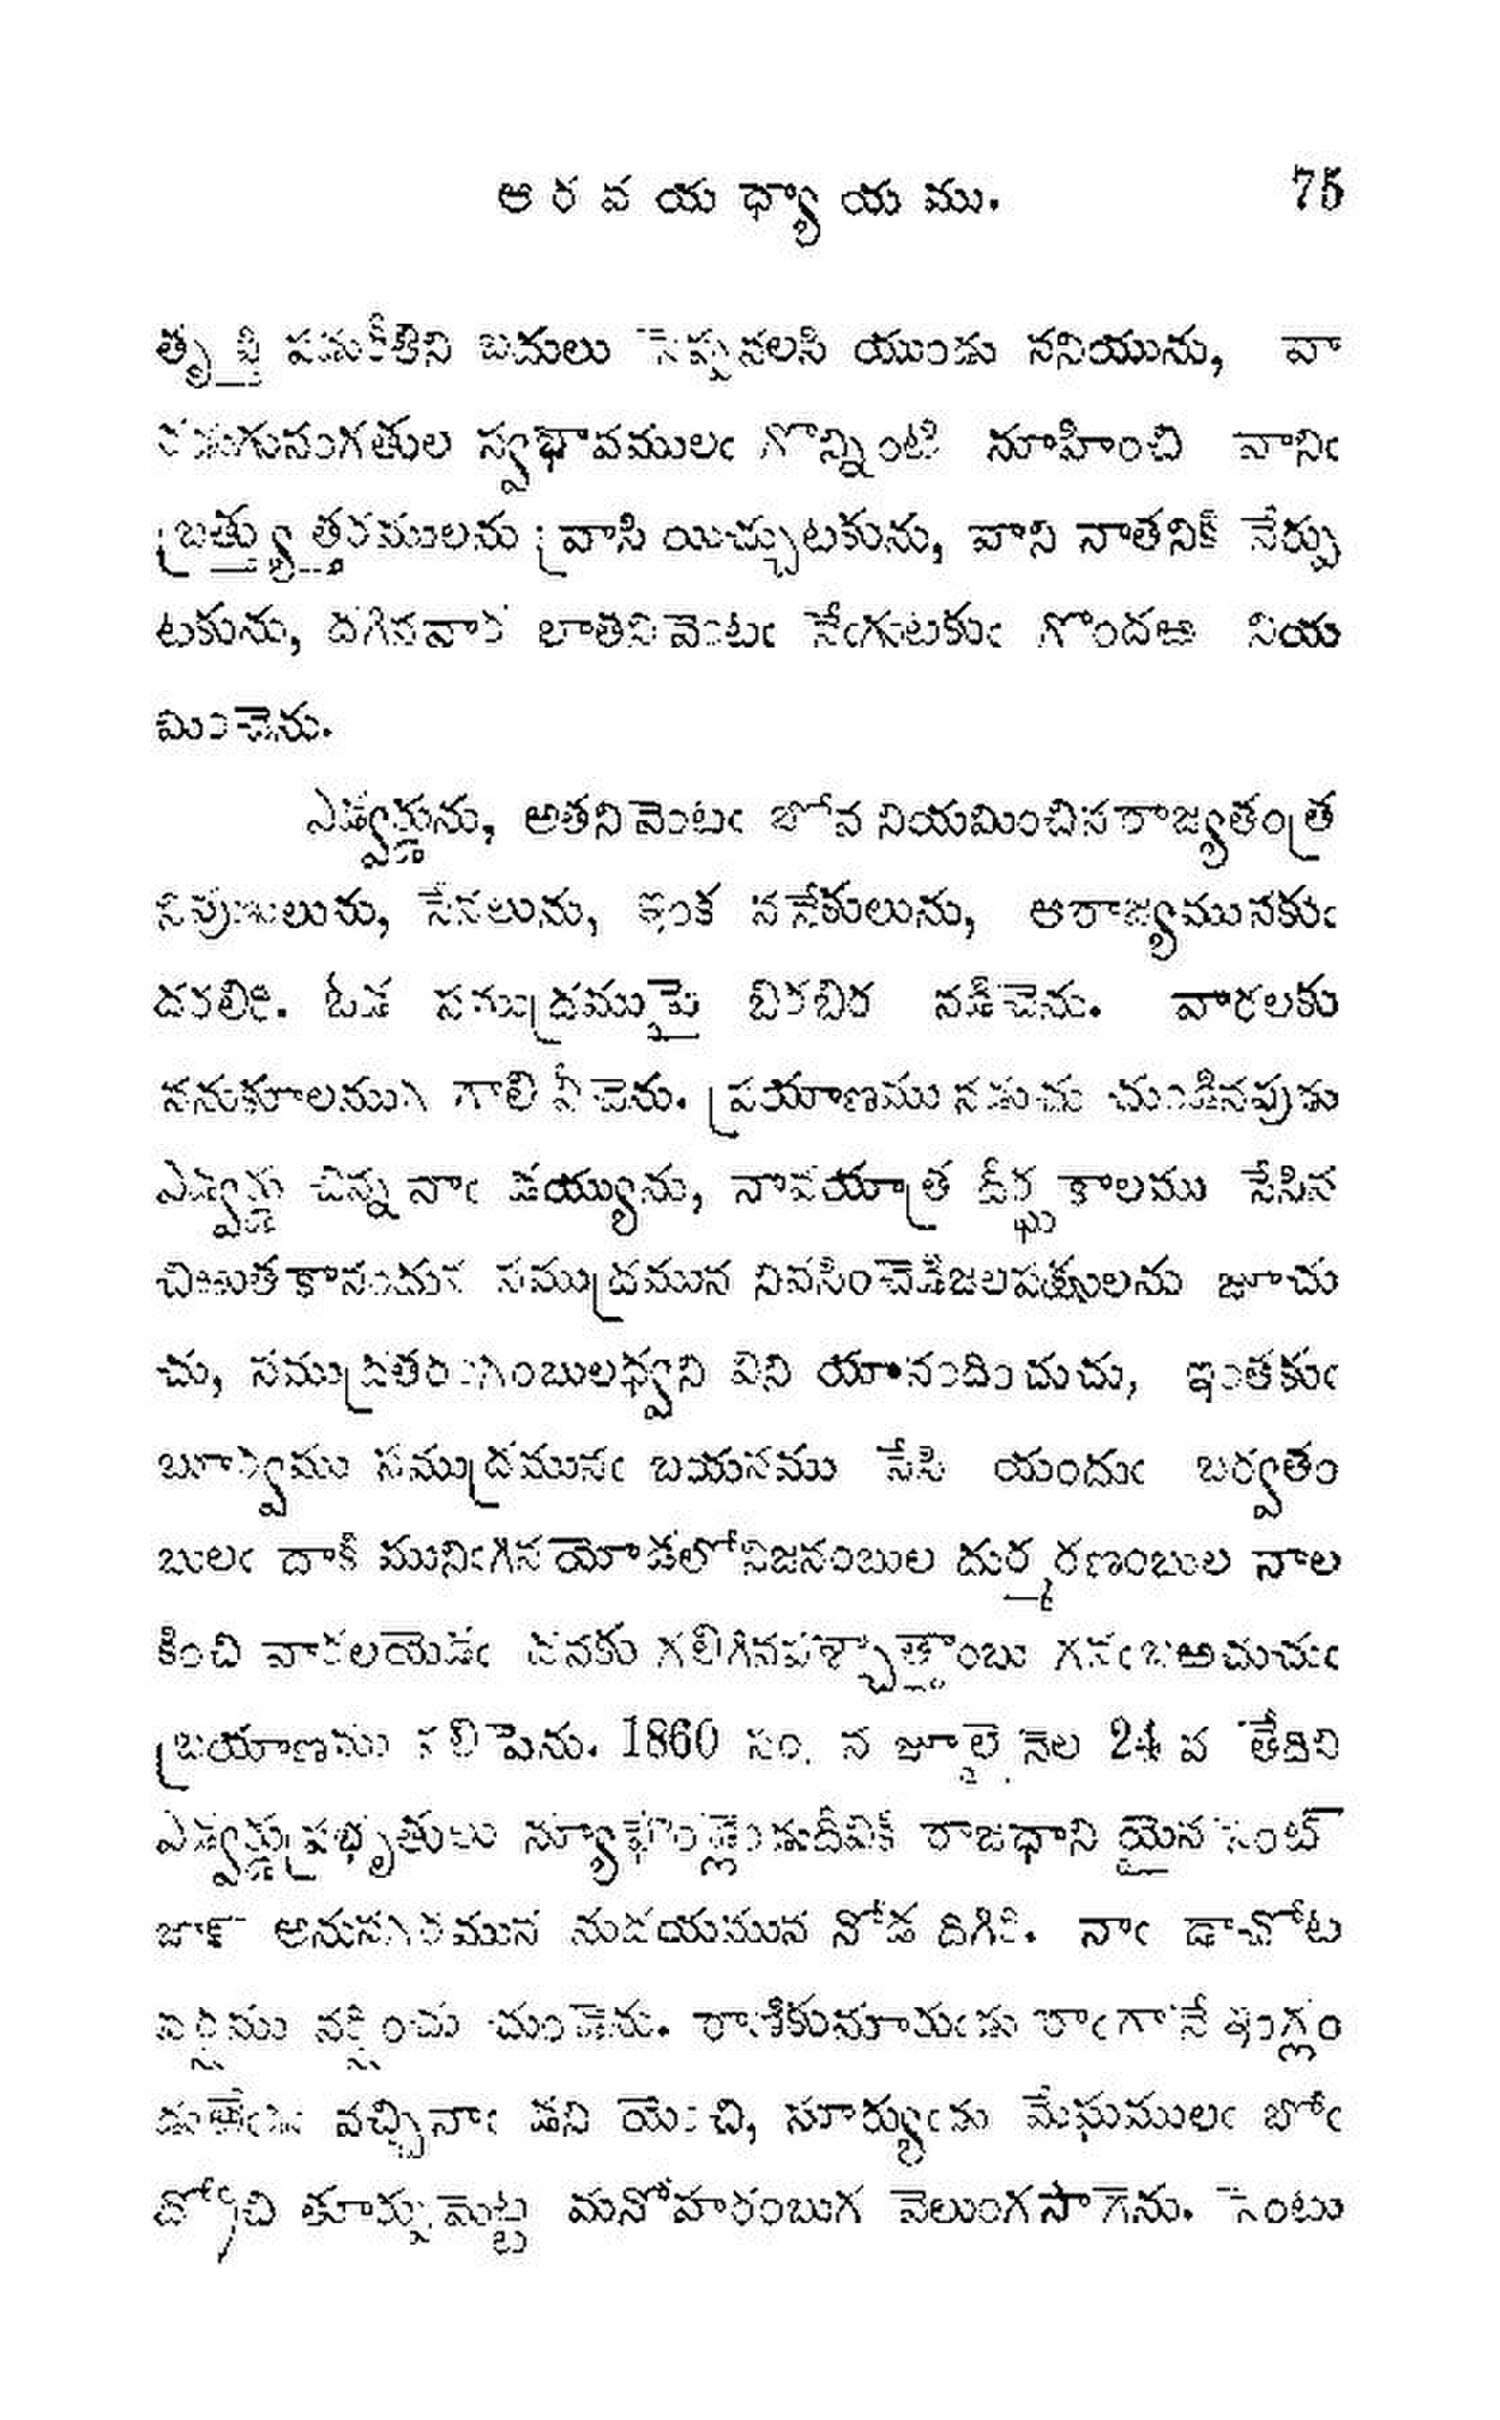తృప్తి పడురీతిని బదులు చెప్పు వలసి యుండు ననియును, వారడుగు సంగతుల స్వభావములఁ గొన్నింటి. నూహించి వాని బ్రత్యుత్తరములను వ్రాసి యిచ్చుటకును, వాని నాతనికి నేర్పు
టకును, దగిన వారలాతని వెంట నేఁగుటకుఁ గొందఱు నియ మించెను.

ఎడ్వర్డును, అతని వెంటఁ బోవ నియమించిన రాజ్యతంత్ర నిపుణులును, సేనలును, ఇంక 'ననేకులును, ఆరాజ్యమునకు దరలిరి. ఓడ సముద్రము పై బిర బిర నడిచెను. వారలకు
ననుకూలము గాలి వీచెను. ప్రయాణము నడుపుచుండి నపుడు ఎడ్వర్డు చిన్న వాడయ్యును, నావయాత్ర దీర్ఘ కాలము సేసిన చిరు కానందున. సముద్రమున నివసించెడి జలపక్షులను జూచు
చు, సముద్ర తరంగంబుల ధ్వని విని యానందించుచు, ఇంతకుఁ బూర్వము సముద్రమునఁ బయనము సేసి యందుఁ బర్వతంబులఁ దాకి మునిగిన యోడలో నిజనంబుల దుర్మరణంబుల నాలకించి వారలయెడ దనకు గలిగిన పశ్చాంబు గనబరచుచుప్రయాణము సలిపెను. 1860 సం, న జూలై నెల 24 వ తేదిని ఎడ్వెర్డు ప్రభృతులు న్యూ ఫౌండ్లెండు దీవికి రాజధాని యైన సెంట్
జాన్" అను నగరమున నుదయమున నోడ దిగిరి. నాడాచోట వర్షము వర్షింక్షించు చుండెను. రాకుమారుడు రాఁగానే ఇంగ్లండుకు వచ్చినాడని యెం చి, సూర్యుఁడు మేఘములఁ బోఁ
ద్రోచి తూర్పు మెట్ట మనోహరంబుగ వెలుంగసాగెను. సెంటు